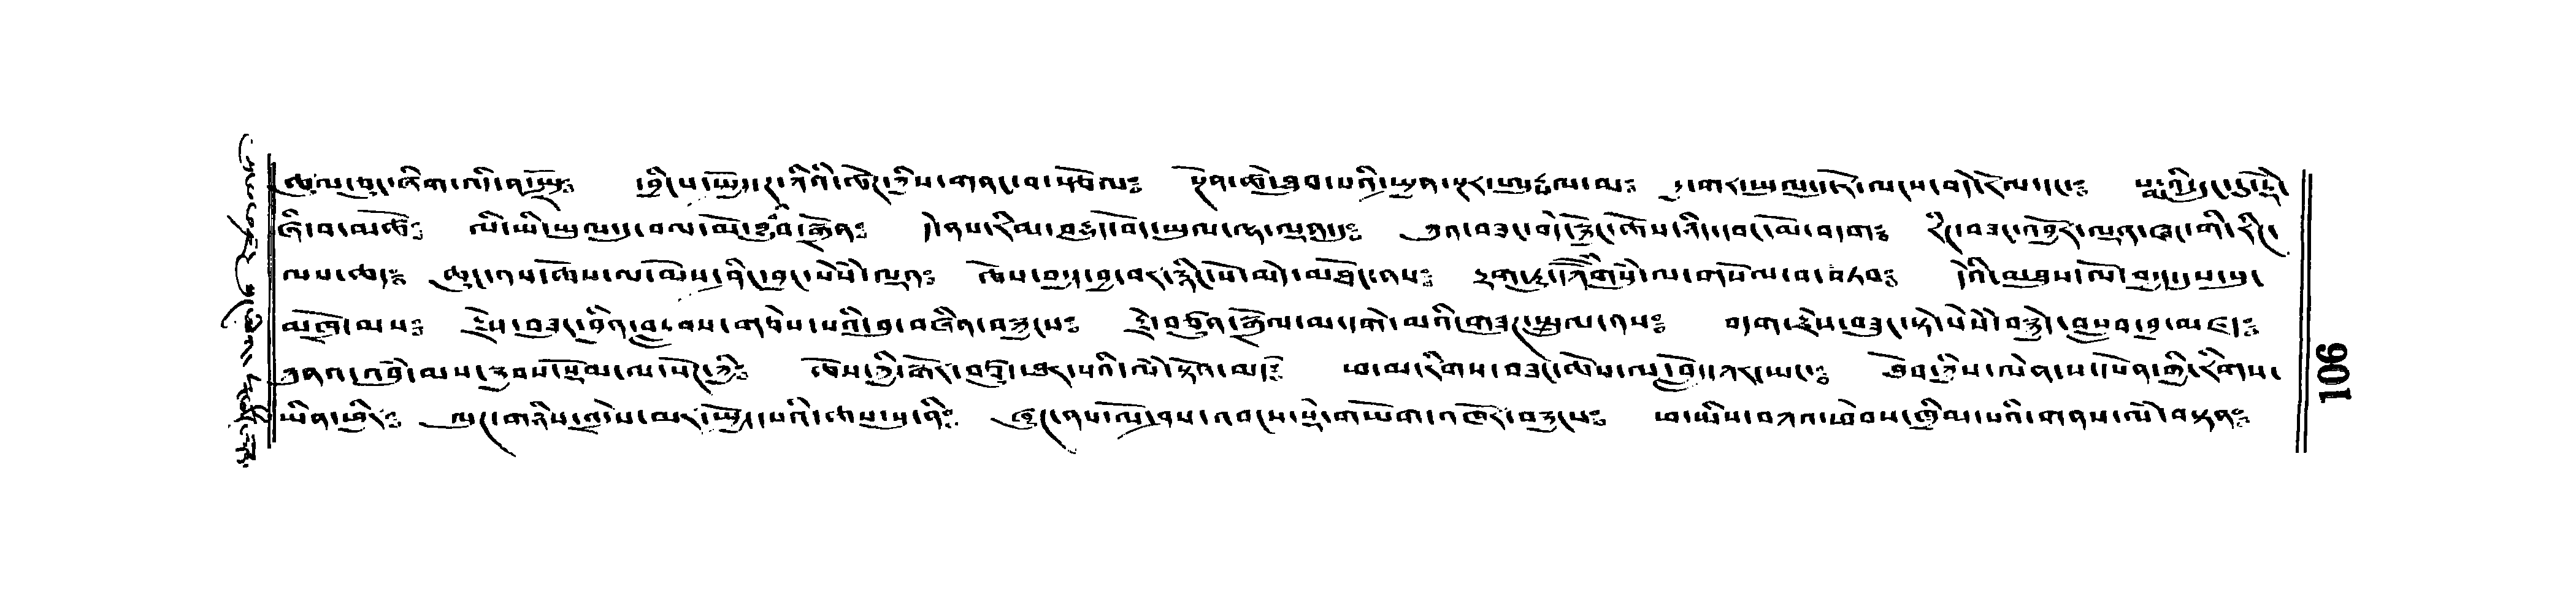ཚུལ་ཅུང་ཞིག་འདི་ན་སྤྲོ༔ དབྱིངས་སྤྱོད་ཌཱ་ཀིའི་ཚོགས་ཀྱིས་གནང་བ་སྩོལ༔ སྔོན་ཚེ་ཐུབ་པའི་སྤྱན་སྔར་ཨུཏྤལ་མ༔ རྒྱ་གར་ཡུལ་དུ་རོ་ལངས་བདེ་རོལ་དང༔ པདྨའི་དྲུང་དུ་རྡོ་རྗེ་
ཞི་བ་མཚོ༔ ལི་ཡི་ཡུལ་དུ་བལ་མོ་བྱང་ཆུབ་སྒྲོན༔ དེ་ནས་རིམ་བརྒྱུད་བོད་ཡུལ་ལྷ་ལྡན་དུ༔ ཀུན་བཟང་བདེ་སྐྱོང་ཆོས་ཉིད་དབང་མོ་བདག༔ རིགས་བཟང་འབྱོར་ལྡན་ཝང་གི་རིགས་
ལས་ཆད༔ ཆུང་ནས་ཆོས་ལ་མོས་ཤིང་བྱང་སེམས་ལྡན༔ ཆོས་བརྒྱད་བྱ་བར་སྙིང་པོ་མེད་མཐོང་ནས༔ རྟག་ཏུ་དཀོན་མཆོག་གསུམ་ལ་གསོལ་བ་བཏབ༔ དེའི་མཐུས་ལོ་བརྒྱད་དུས་སུ་
མཁའ་འགྲོ་མས༔རྗེས་བཟུང་བྱིན་བརླབས་གཅེས་པའི་བུ་བཞིན་བསྐྱངས༔ རྗེ་བཙུན་སྒྲོལ་མ་དགེ་མའི་གཟུགས་སྤྲུལ་ནས༔ བདག་རྗེས་བཟུང་སྟེ་སེམས་བསྐྱེད་བསླབ་བྱ་མཛད༔ 
ཀུན་དགའ་འབུམ་མས་སྐྱབས་སྡོམ་ལ་སོགས་ཀྱི༔ ཆོས་ཀྱི་སྒོར་བཙུད་ཐར་པའི་ལམ་སྟོན་མཛད༔ ཕ་མ་རིགས་བཟང་ཆོས་ལ་བློ་དཀར་ཡང༔ ཐོབ་ཀྱིས་ལེན་པ་དཔོན་གྱི་རིགས་
ཡིན་ཕྱིར༔ ལུགས་གཉིས་འདྲེས་མར་སྤྱོད་པའི་ཆས་སུ་ནི༔ ཞུགས་ནས་ལོ་ཤས་འབངས་སྡེ་གཡོག་འཁོར་བསྐྱངས༔ ཕ་ཡིས་བཀའ་ཕེབས་ཁྱིམ་པའི་གནས་ལམ་བསྟན༔